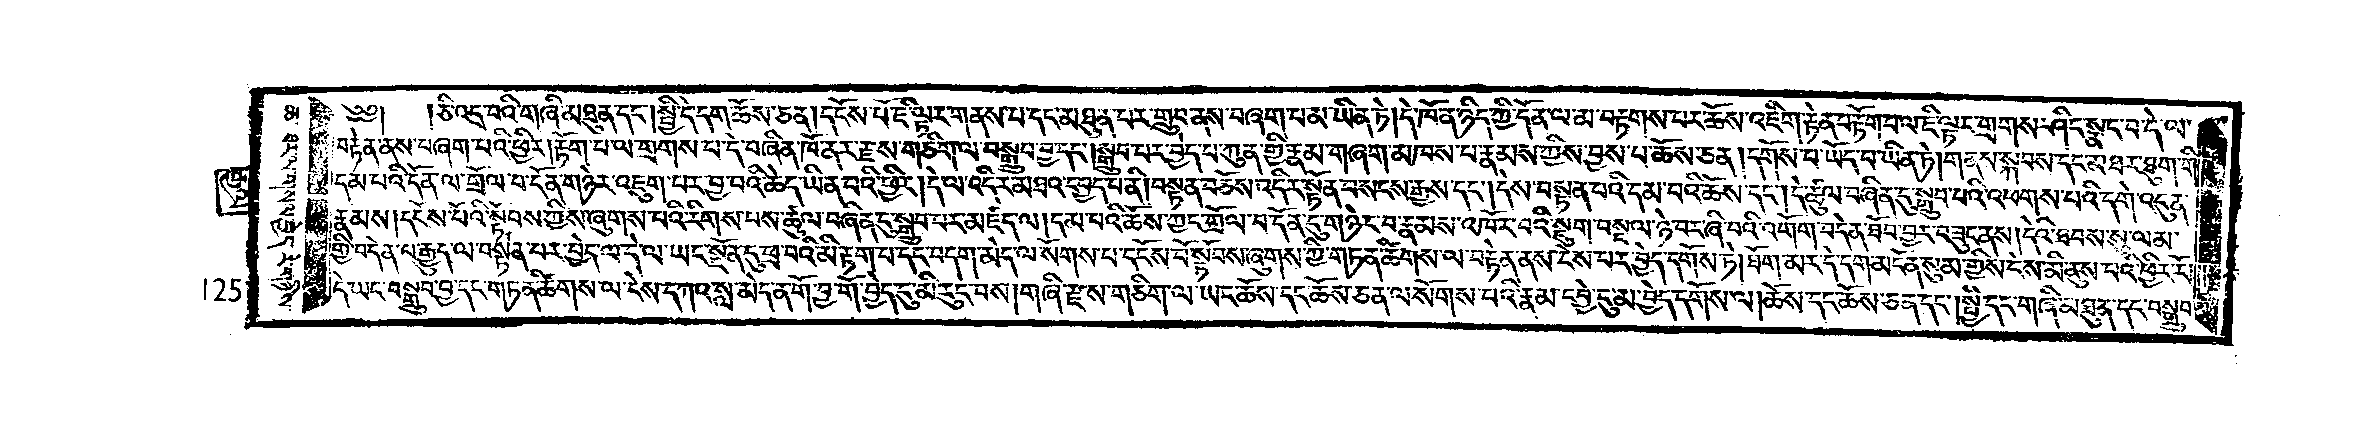༄༅། །ཅི་འདྲ་བའི་གཞི་མཐུན་དང་། སྤྱི་དེ་དག་ཆོས་ཅན། དངོས་པོ་ཇི་ལྟར་གནས་པ་དང་མཐུན་པར་གྲུབ་ནས་བཞག་པ་མ་ཡིན་ཏེ། དེ་ཁོ་ན་ཉིད་ཀྱི་དོན་ལ་མ་བརྟགས་པར་ཆོས་འཇིག་རྟེན་པ་རྟོག་པ་ལ་ཇི་ལྟར་གྲགས་ཤིང་སྣང་བ་དེ་ལ་
བརྟེན་ནས་བཞག་པའི་ཕྱིར། རྟོག་པ་ལ་གྲགས་པ་དེ་བཞིན་ཁོ་ནར་རྫས་གཅིག་ལ་བསྒྲུབ་བྱ་དང་། སྒྲུབ་པར་བྱེད་པ་ཀུན་གྱི་རྣམ་གཞག་མཁས་པ་རྣམས་ཀྱིས་བྱས་པ་ཆོས་ཅན། དགོས་པ་ཡོད་པ་ཡིན་ཏེ། གནས་སྐབས་དང་མཐར་ཐུག་གི་
དམ་པའི་དོན་ལ་གྲོལ་བ་དོན་གཉེར་འཇུག་པར་བྱ་བའི་ཆེད་ཡིན་པའི་ཕྱིར། དེ་ལ་འདིར་མཐའ་དཔྱད་པ་ནི། བསྟན་བཅོས་འདིར་སྟོན་པ་སངས་རྒྱས་དང་། དེས་བསྟན་པའི་དམ་པའི་ཆོས་དང་། དེ་ཚུལ་བཞིན་དུ་སྒྲུབ་པའི་འཕགས་པའི་དགེ་འདུན་
རྣམས། དངོས་པོའི་སྟོབས་ཀྱིས་ཞུགས་པའི་རིགས་པས་ཚུལ་བཞིན་དུ་སྒྲུབ་པར་མཛད་ལ། དམ་པའི་ཆོས་ཀྱང་གྲོལ་བ་དོན་དུ་གཉེར་བ་རྣམས་འཁོར་བའི་སྡུག་བསྔལ་ཉེ་བར་ཞི་བའི་འགོག་བདེན་ཐོབ་བྱར་བཟུང་ནས། དེའི་ཐབས་སུ་ལམ་
གྱི་བདེན་པ་རྒྱུད་ལ་བསྟེན་པར་བྱེད་ལ་དེ་ལ་ཡང་སྔོན་དུ་ཕྲ་བའི་མི་རྟག་པ་དང་བདག་མེད་ལ་སོགས་པ་དངོས་པོ་སྟོབས་ཞུགས་ཀྱི་གཏན་ཚིགས་ལ་བརྟེན་ནས་ངེས་པར་བྱེད་དགོས་ཏེ། ཐོག་མར་དེ་དག་མངོན་སུམ་གྱིས་ངེས་མི་ནུས་པའི་ཕྱིར་རོ། །
དེ་ཡང་བསྒྲུབ་བྱ་དང་གཏན་ཚིགས་ལ་ངེས་དཀའ་སླ་མེད་ན་གོ་བྱ་གོ་བྱེད་དུ་མི་རུང་བས། གཞི་རྫས་གཅིག་ལ་ཡང་ཆོས་དང་ཆོས་ཅན་ལ་སོགས་པའི་རྣམ་དབྱེ་དུ་མ་བྱེད་དགོས་ལ། ཆོས་དང་ཆོས་ཅན་དང་། སྤྱི་དང་གཞི་མཐུན་དང་བསྒྲུབ་